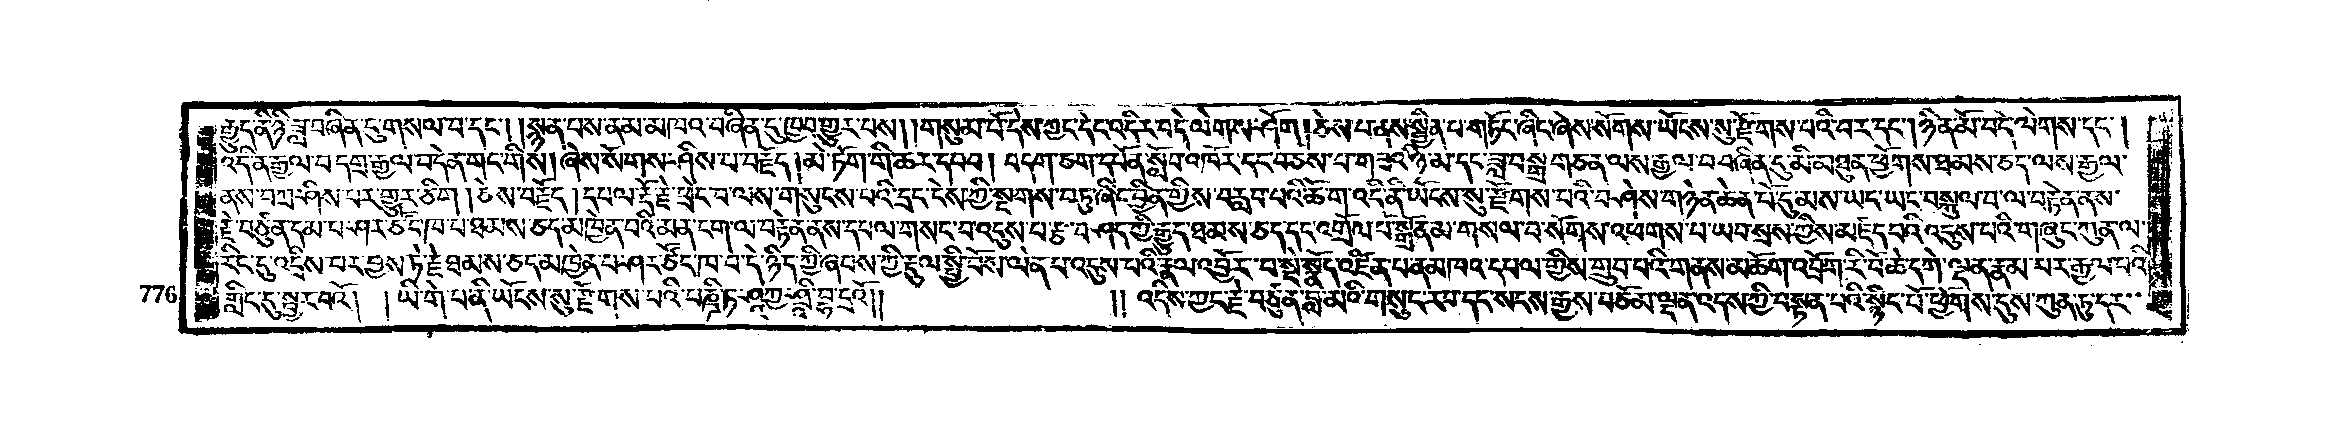རྒྱུད་ནི་ཉི་ཟླ་བཞིན་དུ་གསལ་བ་དང་། །སྙན་པས་ནམ་མཁའ་བཞིན་དུ་ཁྱབ་གྱུར་པས། །གསུམ་པོ་དེས་ཀྱང་དེང་འདིར་བདེ་ལེགས་ཤོག །ཅེས་པ་ནས་སྦྱིན་པ་གཏོང་ཞིང་ཞེས་སོགས་ཡོངས་སུ་རྫོགས་པའི་བར་དང་། ཉིན་མོ་བདེ་ལེགས་དང་།
འདི་ན་རྒྱལ་བ་དགྲ་རྒྱལ་བདེན་གང་གིས། ཞེས་སོགས་ཤིས་པ་བརྗོད། མེ་ཏོག་གི་ཆར་དབབ། བདག་ཅག་དཔོན་སློབ་འཁོར་དང་བཅས་པ་གཟའ་ཉི་མ་དང་ཟླ་བསྒྲ་གཅན་ལས་རྒྱལ་བ་བཞིན་དུ་མཐུན་ཕྱོགས་ཐམས་ཅད་ལས་རྒྱལ་
ནས་བཀྲ་ཤིས་པར་གྱུར་ཅིག །ཅེས་བརྗོད། དཔལ་རྡོ་རྗེ་ཕྲེང་བ་ལས་གསུངས་པའི་དྲང་ངེས་ཀྱི་སྔགས་བཏུ་བཞིང་ཞིན་བྱིན་གྱིས་བརླབ་པའི་ཆོ་ག་འདི་ནི་ཡོངས་སུ་རྫོགས་པའི་བཤེས་གཉེན་ཆེན་པོ་དུ་མས་ཡང་ཡང་བསྐུལ་བ་ལ་བརྟེན་ནས་
རྗེ་བཙུན་དམ་པ་ཤར་ཙོང་ཁ་པ་ཐམས་ཅད་མཁྱེན་པའི་མན་ངག་ལ་བརྟེན་ནས་དཔལ་གསང་བ་འདུས་པ་རྩ་བཤད་ཀྱི་རྒྱུད་ཐམས་ཅད་དང་འགྲེལ་པ་སྒྲོན་མ་གསལ་བ་སོགས་འཕགས་པ་ཡབ་སྲས་ཀྱིས་མཛད་པའི་འདུས་པའི་གཞུང་ཀུན་ལ་
རིང་དུ་འདྲིས་པར་བྱས་ཏེ་རྗེ་ཐམས་ཅད་མཁྱེན་པ་ཤར་ཙོང་ཁ་པ་དེ་ཉིད་ཀྱི་ཞབས་ཀྱི་རྡུལ་སྤྱི་བོས་ལེན་པ་འདུས་པའི་རྣལ་འབྱོར་པ་སྡེ་སྣོད་འཛིན་པ་ནམ་མཁའ་དཔལ་གྱིས་གྲུབ་པའི་གནས་མཆོག་འབྲོག་རི་བོ་ཆེ་དགེ་ལྡན་རྣམ་པར་རྒྱལ་པའི་
གླིང་དུ་སྦྱར་པའོ། །ཡི་གེ་པ་ནི་ཡོངས་སུ་རྫོགས་པའི་པཎྜི་ཏ་ཤཱཀྱ་ཤྲཱི་བྷ་དྲའོ།། །།འདིས་ཀྱང་རྗེ་བཙུན་བླ་མའི་གསུང་རབ་དང་སངས་རྒྱས་བཅོམ་ལྡན་འདས་ཀྱི་བསྟན་པའི་སྙིང་པོ་ཕྱོགས་དུས་ཀུན་ཏུ་དར་